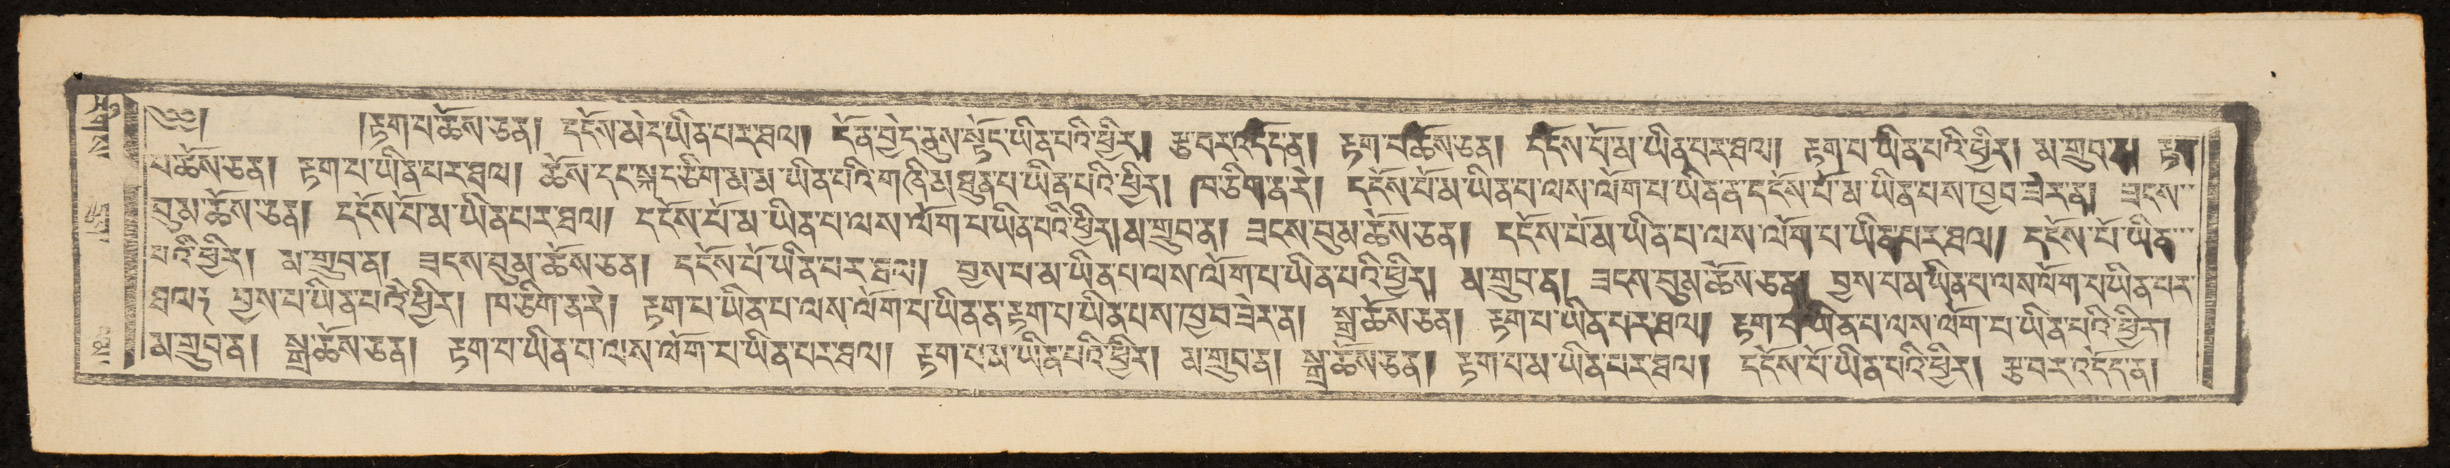༄༅། །རྟག་པ་ཆོས་ཅན། དངོས་མེད་ཡིན་པར་ཐལ། དོན་བྱེད་ནུས་སྟོང་ཡིན་པའི་ཕྱིར། རྩ་བར་འདོད་ན། རྟག་པ་ཆོས་ཅན། དངོས་པོ་མ་ཡིན་པར་ཐལ། རྟག་པ་ཡིན་པའི་ཕྱིར། མ་གྲུབ་ན། རྟག་
པ་ཆོས་ཅན། རྟག་པ་ཡིན་པར་ཐལ། ཆོས་དང་སྐད་ཅིག་མ་མ་ཡིན་པའི་གཞི་མཐུན་པ་ཡིན་པའི་ཕྱིར། ཁ་ཅིག་ན་རེ། དངོས་པོ་མ་ཡིན་པ་ལས་ལོག་པ་ཡིན་ན་དངོས་པོ་མ་ཡིན་པས་ཁྱབ་ཟེར་ན། ཟངས་
བུམ་ཆོས་ཅན། དངོས་པོ་མ་ཡིན་པར་ཐལ། དངོས་པོ་མ་ཡིན་པ་ལས་ལོག་པ་ཡིན་པའི་ཕྱིར། མ་གྲུབ་ན། ཟངས་བུམ་ཆོས་ཅན། དངོས་པོ་མ་ཡིན་པ་ལས་ལོག་པ་ཡིན་པར་ཐལ། དངོས་པོ་ཡིན་
པའི་ཕྱིར། མ་གྲུབ་ན། ཟངས་བུམ་ཆོས་ཅན། དངོས་པོ་ཡིན་པར་ཐལ། བྱས་པ་མ་ཡིན་པ་ལས་ལོག་པ་ཡིན་པའི་ཕྱིར། མ་གྲུབ་ན། ཟངས་བུམ་ཆོས་ཅན། བྱས་པ་མ་ཡིན་པ་ལས་ལོག་པ་ཡིན་པར་
ཐལ། བྱས་པ་ཡིན་པའི་ཕྱིར། ཁ་ཅིག་ན་རེ། རྟག་པ་ཡིན་པ་ལས་ལོག་པ་ཡིན་ན་རྟག་པ་ཡིན་པས་ཁྱབ་ཟེར་ན། སྒྲ་ཆོས་ཅན། རྟག་པ་ཡིན་པར་ཐལ། རྟག་པ་ཡིན་པ་ལས་ལོག་པ་ཡིན་པའི་ཕྱིར།
མ་གྲུབ་ན། སྒྲ་ཆོས་ཅན། རྟག་པ་ཡིན་པ་ལས་ལོག་པ་ཡིན་པར་ཐལ། རྟག་པ་མ་ཡིན་པའི་ཕྱིར། མ་གྲུབ་ན། སྒྲ་ཆོས་ཅན། རྟག་པ་མ་ཡིན་པར་ཐལ། དངོས་པོ་ཡིན་པའི་ཕྱིར། རྩ་བར་འདོད་ན།